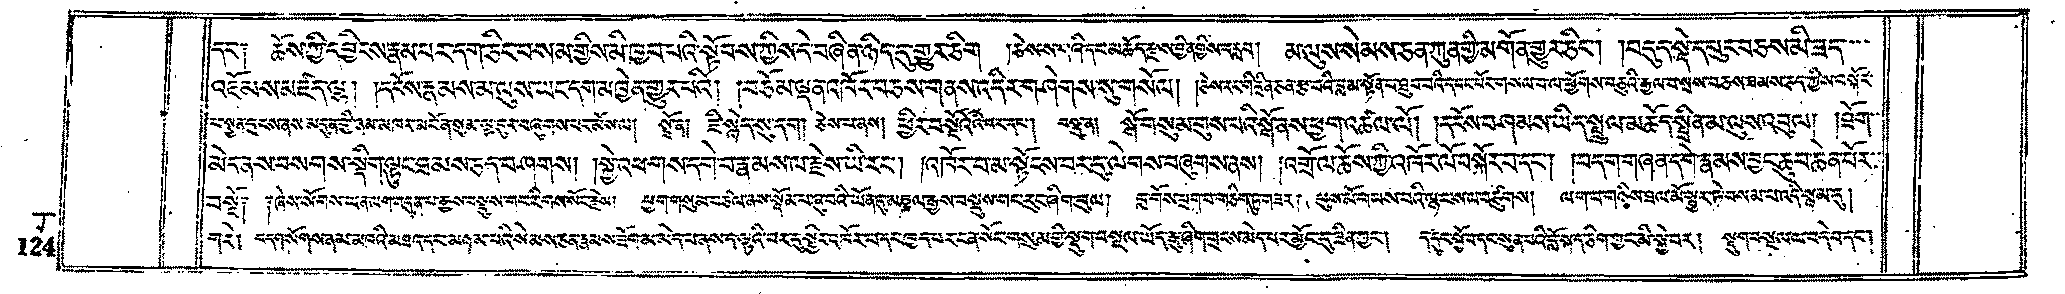དང༑ ཆོས་ཀྱི་དབྱིངས་རྣམ་པར་དག་ཅིང་བསམ་གྱིས་མི་ཁྱབ་པའི་སྟོབས་ཀྱིས་དེ་བཞིན་ཉིད་དུ་གྱུར་ཅིག་།ཅེས་ས་གཞི་དང་མཆོད་རྫས་བྱིན་གྱིས་བརླབ།  མ་ལུས་སེམས་ཅན་ཀུན་གྱི་མགོན་གྱུར་ཅིང་། །བདུད་སྡེ་དཔུང་བཅས་མི་ཟད་་་
འཇོམས་མཛད་ལྷ། །དངོས་རྣམས་མ་ལུས་ཡང་དག་མཁྱེན་གྱུར་པའི། །བཅོམ་ལྡན་འཁོར་བཅས་གནས་འདིར་གཤེགས་སུ་གསོལ། །ཅེས་རང་གི་དྲིན་ཅན་རྩ་བའི་བླ་མ་སྟོན་པ་ཐུབ་པའི་དབང་པོར་གསལ་བ་ལ་ཕྱོགས་བཅུའི་རྒྱལ་བ་སྲས་བཅས་ཐམས་ཅད་ཀྱིས་བསྐོར་
པ་སྤྱན་དྲངས་ནས་མདུན་གྱི་ནམ་མཁར་མངོན་སུམ་ལྟ་བུར་བཞུགས་པར་མོས་ལ། སྤྲོ་ན། ཇི་སྙེད་སུ་དག། ཅེས་པ་ནས།  ཕྱིར་བསྔོའོའི་བར་དང་། བསྡུ་ན།  སྒོ་གསུམ་གུས་པའི་སྒོ་ནས་ཕྱག་འཚལ་ལོ། །དངོས་བཤམས་ཡིད་སྤྲུལ་མཆོད་སྤྲིན་མ་ལུས་འབུལ། །ཐོག་་་
མེད་ནས་བསགས་སྡིག་ལྟུང་ཐམས་ཅད་བཤགས། །སྐྱེ་འཕགས་དགེ་བ་རྣམས་ལ་རྗེས་ཡི་རང་། །འཁོར་བ་མ་སྟོངས་བར་དུ་ལེགས་བཞུགས་ནས། །འགྲོ་ལ་ཆོས་ཀྱི་འཁོར་ལོ་བསྐོར་བ་དང་། །བདག་གཞན་དགེ་རྣམས་བྱང་ཆུབ་ཆེན་པོར་་་
བསྔོ༑ ༑ཞེས་སོགས་ཡན་ལག་བདུན་པ་རྒྱས་བསྡུས་གང་རིགས་སོང་རྗེས། ཕྱག་སུམ་བཙལ་ནས་སྡོམ་པ་ཞུ་བའི་ཡོན་དུ་མཎྜལ་རྒྱས་བསྡུས་གང་རུང་ཞིག་ཕུལ། བླ་གོས་ཕྲག་པ་གཅིག་ཏུ་གཟར། པུས་མོ་གཡས་པའི་ལྷ་ང་ས་ལ་བཙུགས། ལག་པ་གཉིས་ཐལ་མོ་སྦྱར་ཏེ་བསམ་པ་འདི་སྙམ་དུ།
ག་རེ། བདག་སོགས་ནམ་མཁའི་མཐའ་དང་མཉམ་པའི་སེམས་ཅན་རྣམས་ཐོག་མ་མེད་པ་ནས་ད་ལྟའི་བར་དུ་སྤྱིར་འཁོར་བ་དང་ཁྱད་པར་ངན་སོང་གསུམ་གྱི་སྡུག་བསྔལ་ཡོད་རྒུ་ཞིག་གྲངས་མེད་པར་མྱོང་དུ་ཟིན་ཀྱང་། ད་དུང་སྐྱོ་བ་དང་སུན་པའི་བློ་སྐད་ཅིག་ཀྱང་མི་སྐྱེ་བར། སྡུག་བསྔལ་ལ་བདེ་བ་དང་།